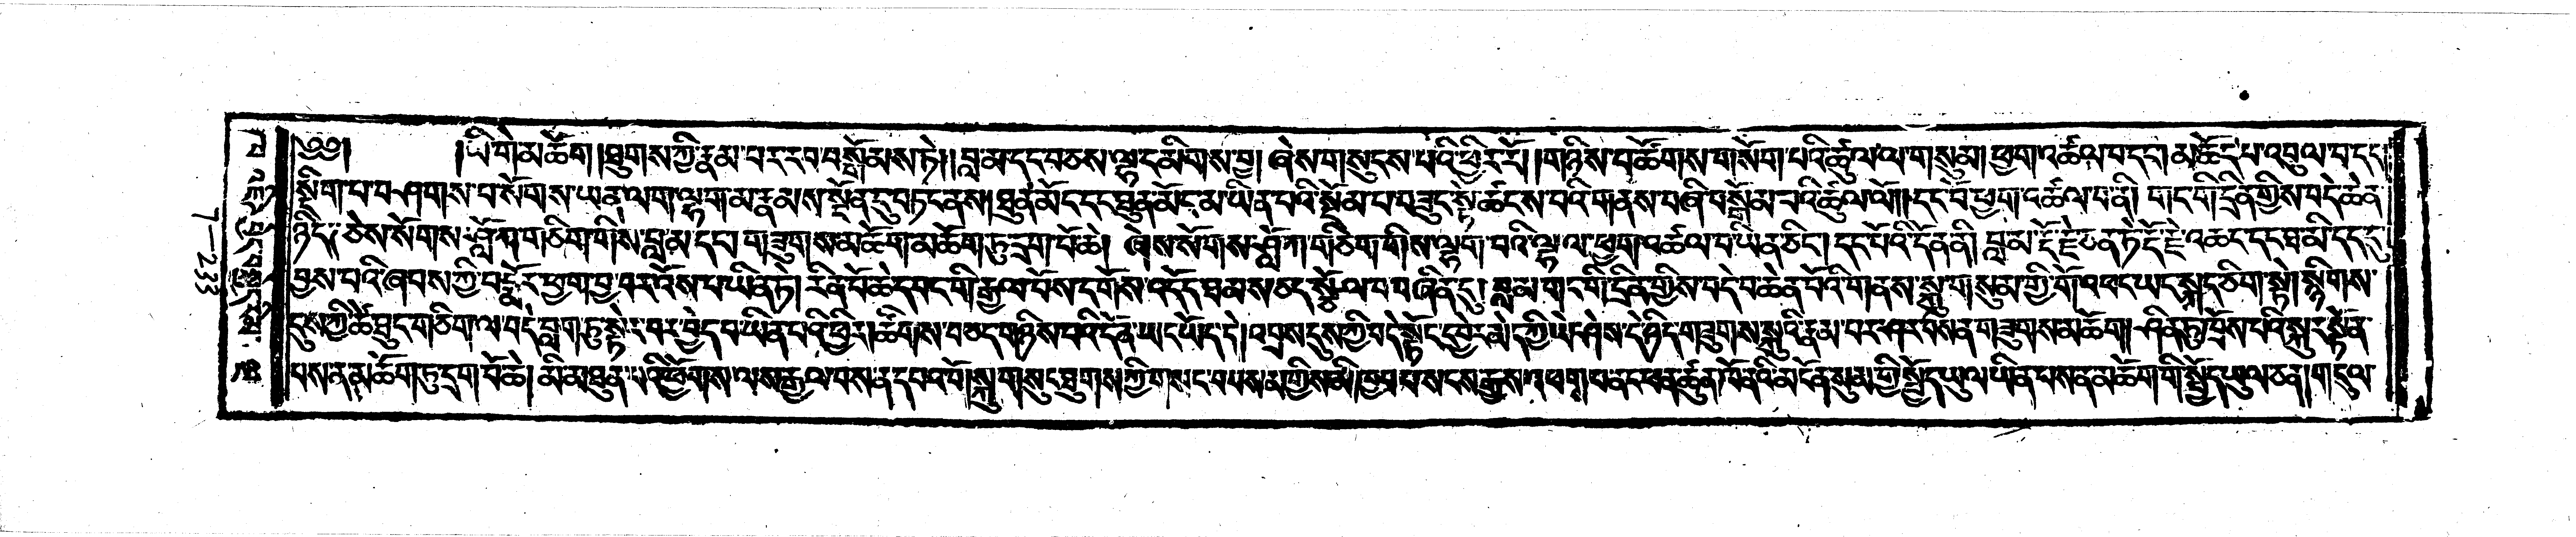༄༅། །ཡི་གེ་མཆོག །ཐུགས་ཀྱི་རྣམ་པར་རབ་བསྒོམས་ཏེ། །བླ་མ་དང་བཅས་ལྷ་དམིགས་བྱ། ཞེས་གསུངས་པའི་ཕྱིར་རོ། །གཉིས་པ་ཚོགས་གསོག་པའི་ཚུལ་ལ་གསུམ། ཕྱག་འཚལ་བདག་མཆོད་པ་འབུལ་བ་དང་།
སྡིག་པ་བཤགས་པ་སོགས་ཡན་ལག་ལྷག་མ་རྣམས་སྔོན་དུ་བཏང་ནས། ཐུན་མོང་དང་ཐུན་མོང་མ་ཡིན་པའི་སྡོམ་པ་བཟུང་སྟེ་ཚངས་པའི་གནས་བཞི་བསྒོམ་པའི་ཚུལ་ལོ། །དང་པོ་ཕྱག་འཚལ་བ་ནི། གང་གི་དྲིན་གྱིས་བདེ་ཆེན་
ཉིད༑ ཅེས་སོགས་ཤློ་ཀ་གཅིག་གིས་བླ་མ་དང་། གཟུགས་མཆོག་མཆོག་ཏུ་དྲག་པོ་ཆེ། ཞེས་སོགས་ཤློ་ཀ་གཅིག་གིས་ལྷག་པའི་ལྷ་ལ་ཕྱག་འཚལ་བ་ཡིན་ཅིང་། དང་པོའི་དོན་ནི། བླ་མ་རྡོ་རྗེ་ཅན་ཏེ་རྡོ་རྗེ་འཆང་དང་ཐ་མི་དང་
བྱས་པའི་ཞབས་ཀྱི་པདམར་ཕྱག་བྱ་བར་འོས་པ་ཡིན་ཏེ། རིན་པོ་ཆེ་དབང་གི་རྒྱལ་པོས་དགོས་འདོད་ཐམས་ཅད་སྩོལ་བ་བཞིན་དུ། བླ་མ་གང་གི་དྲིན་གྱིས་བདེ་བ་ཆེན་པོའི་གོ་ནས་སྐུ་གསུམ་གྱི་གོ་འཕང་ཡང་སྐད་ཅིག་སྟེ། སྙིགས་
དུས་ཀྱི་ཚེ་ཐུང་གཅིག་ལ་བདེ་བླག་ཏུ་སྟེར་བར་བྱེད་པ་ཡིན་པའི་ཕྱིར། ཚིགས་བཅད་གཉིས་པའི་དོན་ཡང་ཡོད་དེ། འབྲས་དུས་ཀྱི་བདེ་སྟོང་དབྱེར་མེད་ཀྱི་ཡེ་ཤེས་དེ་ཉིད་གཟུགས་སྐུའི་རྣམ་པར་ཤར་པས་ན་གཟུགས་མཆོག །ཤིན་ཏུ་ཁྲོས་པའི་སྐུར་སྟོན་
པས་ན་མཆོག་ཏུ་དྲག་པོ་ཆེ། མི་མཐུན་པའི་ཕྱོགས་ལས་རྒྱལ་བས་ན་དབང་པོ། སྐུ་གསུང་ཐུགས་ཀྱི་གསང་བ་བསམ་གྱིས་མི་ཁྱབ་པ་སངས་རྒྱས་འཕགས་པ་ནང་ཕན་ཚུན་ཁོ་ནའི་མངོན་སུམ་གྱི་སྤྱོད་ཡུལ་ཡིན་པས་ན་མཆོག་གི་སྤྱོད་ཡུལ་ཅན། གདུལ་